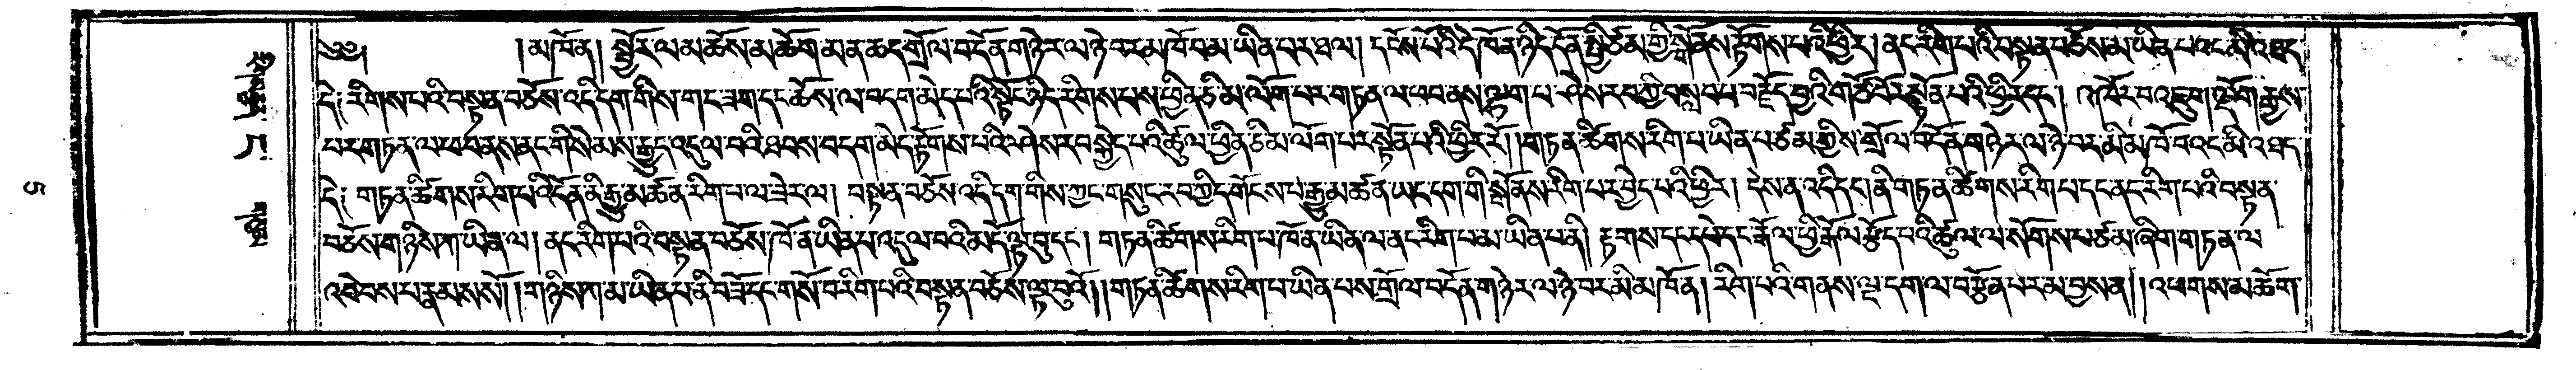༄༅། །མཁོ་ན། སྦྱོར་ལམ་ཆོས་མཆོག་མན་ཆད་གྲོལ་བ་དོན་གཉེར་ལ་ཉེ་བར་མཁོ་བ་མ་ཡིན་པར་ཐལ། དངོས་པོའི་དེ་ཁོ་ན་ཉིད་དོན་སྤྱི་ཙམ་གྱི་སྒོ་ནས་རྟོགས་པའི་ཕྱིར། ནང་རིག་པའི་བསྟན་བཅོས་མ་ཡིན་པའང་མི་འཐད་
དེ༑ རིགས་པའི་བསྟན་བཅོས་འདི་དག་གིས་གང་ཟག་དང་ཆོས་ལ་བདག་མེད་པའི་སྟོང་ཉིད་རིགས་པས་ཕྱིན་ཅི་མ་ལོག་པར་གཏན་ལ་ཕབ་ནས་ལྷག་པ་ཤེས་རབ་ཀྱི་བསླབ་པ་བརྗོད་བྱའི་གཙོ་བོར་སྟོན་པའི་ཕྱིར་དང་། འཁོར་བ་འཇུག་ལྡོག་རྒྱས་
པར་གཏན་ལ་ཕབ་ནས་ནང་གི་སེམས་རྒྱུད་འདུལ་བའི་ཐབས་བདག་མེད་རྟོགས་པའི་ཤེས་རབ་སྐྱེད་པའི་ཚུལ་ཕྱིན་ཅི་མ་ལོག་པར་སྟོན་པའི་ཕྱིར་རོ། །གཏན་ཚིགས་རིག་པ་ཡིན་པ་ཙམ་གྱིས་གྲོལ་བ་དོན་གཉེར་ལ་ཉེ་བར་མི་མཁོ་བའང་མི་འཐད་
དེ༑ གཏན་ཚིགས་རིག་པའི་དོན་ནི་རྒྱུ་མཚན་རིག་པ་ལ་ཟེར་ལ། བསྟན་བཅོས་འདི་དག་གིས་ཀྱང་གསུང་རབ་ཀྱི་དགོངས་པ་རྒྱུ་མཚན་ཡང་དག་གི་སྒོ་ནས་རིག་པར་བྱེད་པའི་ཕྱིར། དེས་ན་འདི་དག་ནི་གཏན་ཚིགས་རིག་པ་དང་ནང་རིག་པའི་བསྟན་
བཅོས་གཉིས་ཀ་ཡིན་ལ། ནང་རིག་པའི་བསྟན་བཅོས་ཁོ་ན་ཡིན་པ་འདུལ་བའི་མདོ་ལྟ་བུ་དང་། གཏན་ཚིགས་རིག་པ་ཁོ་ན་ཡིན་ལ་ནང་རིག་པ་མ་ཡིན་པ་ནི། རྟགས་དང་དཔེ་དང་རྒོལ་ཕྱི་རྒོལ་རྩོད་པའི་ཚུལ་ལ་སོགས་པ་ཙམ་ཞིག་གཏན་ལ་
འབེབས་པ་རྣམས་སོ། །གཉིས་ཀ་མ་ཡིན་པ་ནི་བཟོ་དང་གསོ་བ་རིག་པའི་བསྟན་བཅོས་ལྟ་བུའོ། །གཏན་ཚིགས་རིག་པ་ཡིན་པས་གྲོལ་བ་དོན་གཉེར་ལ་ཉེ་བར་མི་མཁོ་ན། རིག་པའི་གནས་ལྔ་དག་ལ་བརྩོན་པར་མ་བྱས་ན། །འཕགས་མཆོག་